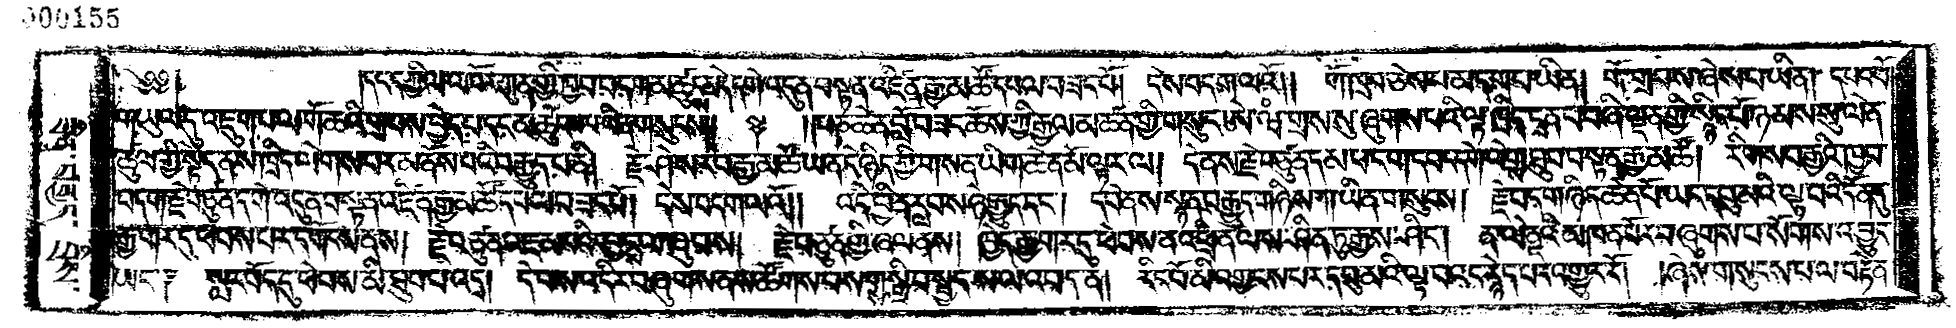༄༅། །དང་དཀྱིལ་འཁོར་ཀུན་གྱི་ཁྱབ་བདག་མཚུངས་མེད་དགེ་འདུན་བསྟན་འཛིན་རྒྱ་མཚོ་དཔལ་བཟང་པོ། དེས་བདག་ལའོ། །གོ་ཁྲབ་ཅེས་པ་མ་དག་པ་ཡིན། གོ་གྲབས་ཞེས་པ་ཡིན། དཔའ་བོ་
གཡུལ་དུ་འཇུག་པ་ལ་གོ་ཆའི་གྲབས་བྱེད་པ་དང་མཚུངས་པ་ཡིན་གསུངས།། ༈ །།པཎ་ཆེན་བློ་བཟང་ཆོས་ཀྱི་རྒྱལ་མཚན་གྱི་གསུང་ཨེ་ཝཾ་གྲས་སུ་ཞུགས་པའི་ལྟ་ཁྲིད་དྲན་པ་བཞི་ལྡན་གྱི་སྙིང་པོ་ཉམས་སུ་ལེན་
ཚུལ་གྱི་སྟེང་ནས་ཁྲིད་ལེགས་པར་མནོས་པའི་བརྒྱུད་པ་ནི། རྗེ་ཤེས་རབ་རྒྱ་མཚོ་ཡན་དེ་ཉིད་ཀྱི་གསན་ཡིག་ཆེན་མོ་ལྟར་ལ། དེ་ནས་རྗེ་བཙུན་དམ་པ་ངག་དབང་དགེ་ལེགས་ཐུབ་བསྟན་རྒྱ་མཚོ། རིགས་བརྒྱའི་ཁྱབ་
བདག་རྗེ་བཙུན་དགེ་འདུན་བསྟན་འཛིན་རྒྱ་མཚོ་དཔལ་བཟང་པོ། དེས་བདག་ལའོ། །འདི་བྱིན་རླབས་ཉེ་རྒྱུད་དང་། དབེན་ས་སྙན་བརྒྱུད་གཉིས་ཀ་ཡིན་གསུངས། རྗེ་བདག་ཉིད་ཆེན་པོ་ཡང་དབུ་མའི་ལྟ་བའི་དོན་དུ་
རྒྱ་གར་དུ་ཕབས་པར་དགོངས་ནས། རྗེ་བཙུན་འཇམ་པའི་དབྱངས་ལ་ཞུ་བས། རྗེ་བཙུན་གྱི་ཞལ་ནས། ཁྱེད་རྒྱ་གར་དུ་ཕེབས་ན་འཕྲིན་ལས་ཤིན་ཏུ་རྒྱས་ཤིང་། ན་ལེནྡའི་མཁན་པོར་བཞུགས་པ་སོགས་འབྱུང་
ཡང༑ སླར་བོད་དུ་ཕེབས་མི་ཐུབ་པ་འདྲ། དེ་བས་འདིར་བཞུགས་ནས་ཚོགས་བསགས་སྒྲིབ་སྦྱང་ས་ལ་འབད་ན། རིང་པོ་མི་འགྱངས་པར་དབུ་མའི་ལྟ་བའང་རྙེད་པར་འགྱུར་རོ། །ཞེས་གསུངས་པ་ལ་བརྟེན་